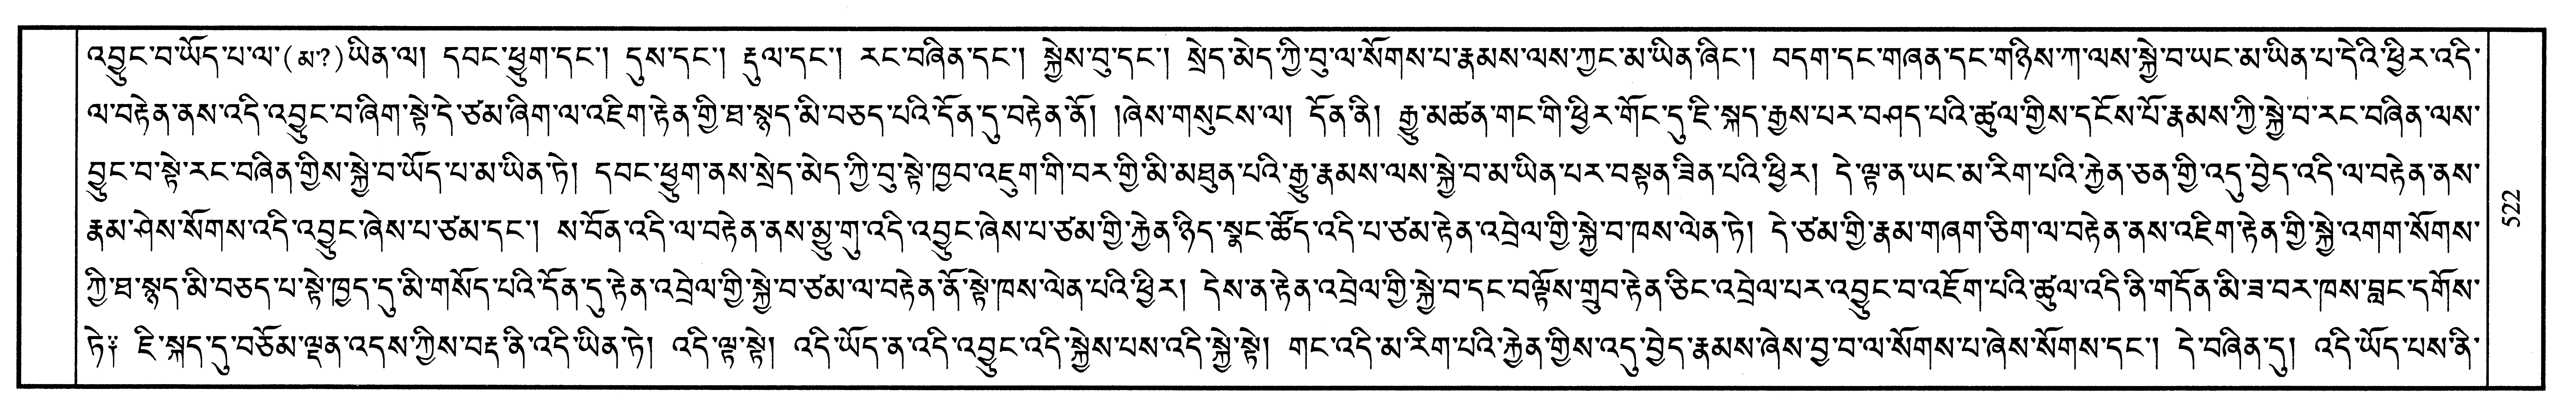འབྱུང་བ་ཡོད་པ་ལ་མ?་ཡིན་ལ། དབང་ཕྱུག་དང་། དུས་དང་། རྡུལ་དང་། རང་བཞིན་དང་། སྐྱེས་བུ་དང་། སྲེད་མེད་ཀྱི་བུ་ལ་སོགས་པ་རྣམས་ལས་ཀྱང་མ་ཡིན་ཞིང་། བདག་དང་གཞན་དང་གཉིས་ཀ་ལས་སྐྱེ་བ་ཡང་མ་ཡིན་པ་དེའི་ཕྱིར་འདི་
ལ་བརྟེན་ནས་འདི་འབྱུང་བ་ཞིག་སྟེ་དེ་ཙམ་ཞིག་ལ་འཇིག་རྟེན་གྱི་ཐ་སྙད་མི་བཅད་པའི་དོན་དུ་བརྟེན་ནོ། །ཞེས་གསུངས་ལ། དོན་ནི། རྒྱུ་མཚན་གང་གི་ཕྱིར་གོང་དུ་ཇི་སྐད་རྒྱས་པར་བཤད་པའི་ཚུལ་གྱིས་དངོས་པོ་རྣམས་ཀྱི་སྐྱེ་བ་རང་བཞིན་ལས་
བྱུང་བ་སྟེ་རང་བཞིན་གྱིས་སྐྱེ་བ་ཡོད་པ་མ་ཡིན་ཏེ། དབང་ཕྱུག་ནས་སྲེད་མེད་ཀྱི་བུ་སྟེ་ཁྱབ་འཇུག་གི་བར་གྱི་མི་མཐུན་པའི་རྒྱུ་རྣམས་ལས་སྐྱེ་བ་མ་ཡིན་པར་བསྟན་ཟིན་པའི་ཕྱིར། དེ་ལྟ་ན་ཡང་མ་རིག་པའི་རྐྱེན་ཅན་གྱི་འདུ་བྱེད་འདི་ལ་བརྟེན་ནས་
རྣམ་ཤེས་སོགས་འདི་འབྱུང་ཞེས་པ་ཙམ་དང་། ས་བོན་འདི་ལ་བརྟེན་ནས་མྱུ་གུ་འདི་འབྱུང་ཞེས་པ་ཙམ་གྱི་རྐྱེན་ཉིད་སྣང་ཚོད་འདི་པ་ཙམ་རྟེན་འབྲེལ་གྱི་སྐྱེ་བ་ཁས་ལེན་ཏེ། དེ་ཙམ་གྱི་རྣམ་གཞག་ཅིག་ལ་བརྟེན་ནས་འཇིག་རྟེན་གྱི་སྐྱེ་འགག་སོགས་
ཀྱི་ཐ་སྙད་མི་བཅད་པ་སྟེ་ཁྱད་དུ་མི་གསོད་པའི་དོན་དུ་རྟེན་འབྲེལ་གྱི་སྐྱེ་བ་ཙམ་ལ་བརྟེན་ནོ་སྟེ་ཁས་ལེན་པའི་ཕྱིར། དེས་ན་རྟེན་འབྲེལ་གྱི་སྐྱེ་བ་དང་བལྟོས་གྲུབ་རྟེན་ཅིང་འབྲེལ་པར་འབྱུང་བ་འཇོག་པའི་ཚུལ་འདི་ནི་གདོན་མི་ཟ་བར་ཁས་བླངས་དགོས་
ཏེ༑ ཇི་སྐད་དུ་བཅོམ་ལྡན་འདས་ཀྱིས་བརྡ་ནི་འདི་ཡིན་ཏེ། འདི་ལྟ་སྟེ། འདི་ཡོད་ན་འདི་འབྱུང་འདི་སྐྱེས་པས་འདི་སྐྱེ་སྟེ། གང་འདི་མ་རིག་པའི་རྐྱེན་གྱིས་འདུ་བྱེད་རྣམས་ཞེས་བྱ་བ་ལ་སོགས་པ་ཞེས་སོགས་དང་། དེ་བཞིན་དུ། འདི་ཡོད་པས་ནི་